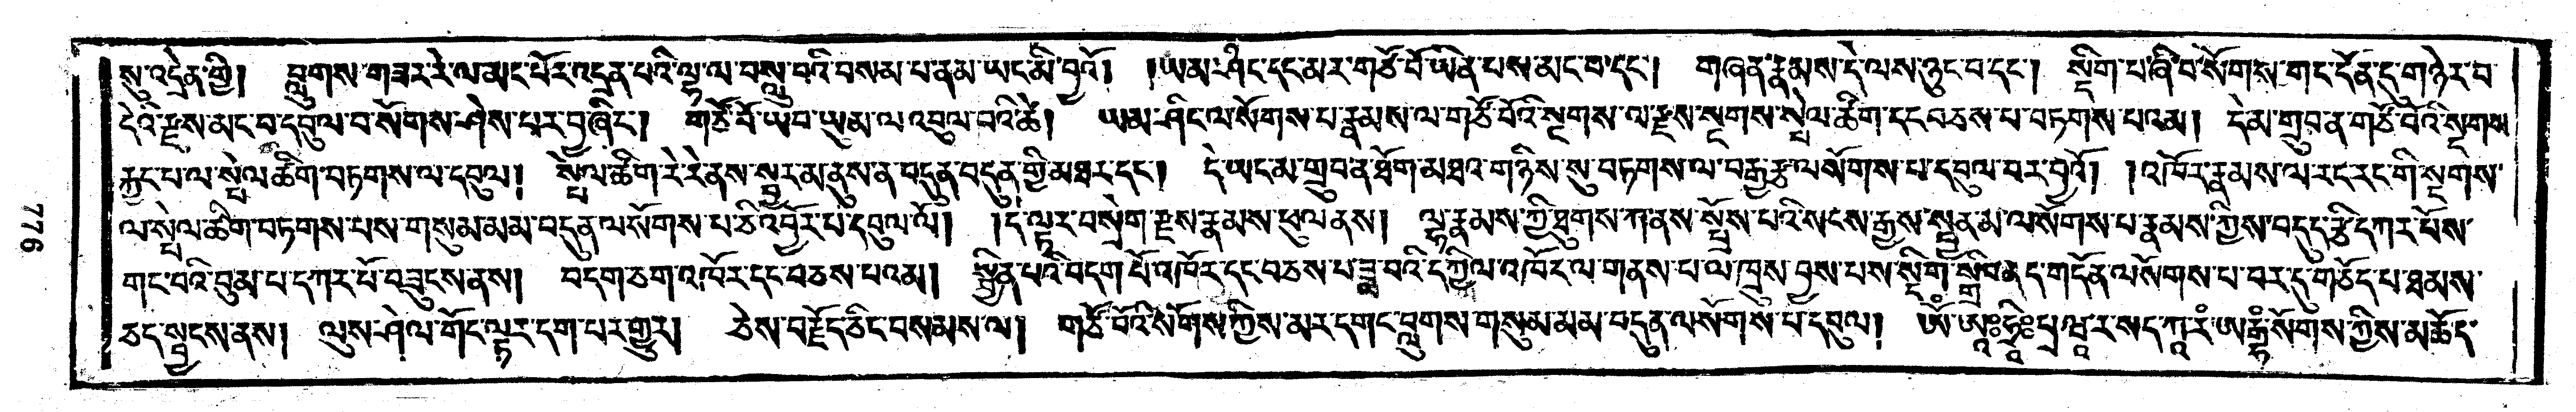སུ་འདྲེན་གྱི། བླུགས་གཟར་རེ་ལ་མང་པོར་འདྲན་པའི་ལྷ་ལ་བསླུ་བའི་བསམ་པ་ནམ་ཡང་མི་བྱའོ། །ཡམ་ཤིང་དང་མར་གཙོ་བོ་ཡིན་པས་མང་བ་དང་། གཞན་རྣམས་དེ་ལས་ཉུང་བ་དང་། སྡིག་པ་ཞི་བ་སོགས་གང་དོན་དུ་གཉེར་བ་
དེའི་རྫས་མང་བ་དབུལ་བ་སོགས་ཤེས་པར་བྱ་ཞིང་། གཙོ་བོ་ཡབ་ཡུམ་ལ་འབུལ་བའི་ཚེ། ཡམ་ཤིང་ལ་སོགས་པ་རྣམས་ལ་གཙོ་བོའི་སྔགས་ལ་རྫས་སྔགས་སྤེལ་ཚིག་དང་བཅས་པ་བཏགས་པའམ། དེ་མ་གྲུབ་ན་གཙོ་བོའི་སྔགས་
རྐྱང་པ་ལ་སྤེལ་ཚིག་བཏགས་ལ་དབུལ། སྤེལ་ཚིག་རེ་རེ་ནས་སྦྱར་མ་ནུས་ན་བདུན་བདུན་གྱི་མཐར་དང་། དེ་ཡང་མ་གྲུབ་ན་ཐོག་མཐའ་གཉིས་སུ་བཏགས་ལ་བརྒྱ་རྩ་ལ་སོགས་པ་དབུལ་བར་བྱའོ། །འཁོར་རྣམས་ལ་རང་རང་གི་སྔགས་
ལ་སྤེལ་ཚིག་བཏགས་པས་གསུམ་མམ་བདུན་ལ་སོགས་པ་ཅི་འབྱོར་པ་དབུལ་ལོ། །དེ་ལྟར་བསྲེག་རྫས་རྣམས་ཕུལ་ནས། ལྷ་རྣམས་ཀྱི་ཐུགས་ཀ་ནས་སྤྲོས་པའི་སངས་རྒྱས་སྦྱན་མ་ལ་སོགས་པ་རྣམས་ཀྱིས་བདུད་རྩི་དཀར་པོས་
གང་བའི་བུམ་པ་དཀར་པོ་བཟུངས་ནས། བདག་ཅག་འཁོར་དང་བཅས་པའམ། སྦྱིན་པའི་བདག་པོ་འཁོར་དང་བཅས་པ་ཟླ་བའི་དཀྱིལ་འཁོར་ལ་གནས་པ་ལ་ཁྲུས་བྱས་པས་སྡིག་སྒྲིབ་ནད་གདོན་ལ་སོགས་པ་བར་དུ་གཅོད་པ་ཐམས་
ཅད་སྦྱངས་ནས། ལུས་ཤེལ་གོང་ལྟར་དག་པར་གྱུར། ཅེས་བརྗོད་ཅིང་བསམས་ལ། གཙོ་བོའི་སོགས་ཀྱིས་མར་དགང་བླུགས་གསུམ་མམ་བདུན་ལ་སོགས་པ་དབུལ། ཨོཾ་ཨཱཿཧྲཱིཿ པྲ་ཝཱ་ར་སད་ཀཱ་རཾ་ཨརྒྷཾ་སོགས་ཀྱིས་མཆོད་